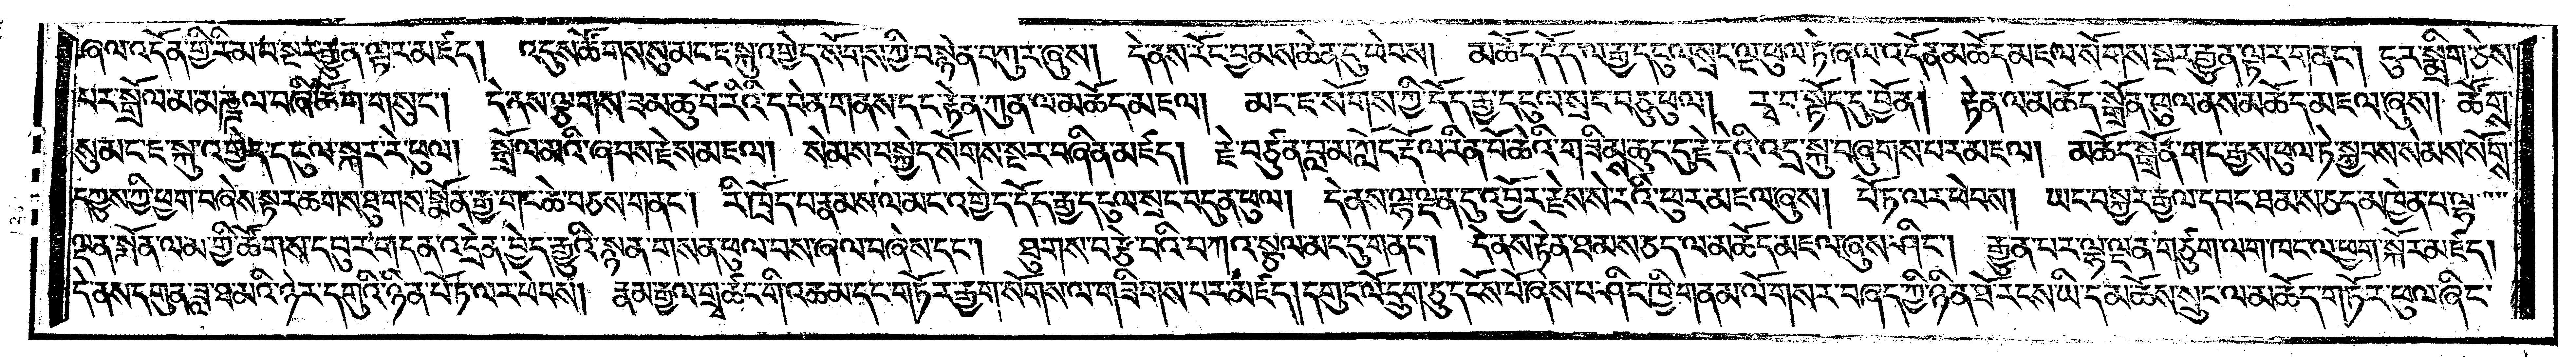ཞལ་འདོན་གྱི་རིམ་པ་སྔར་རྒྱུན་ལྟར་མཛད། འདུས་ཚོགས་སུ་མང་ཇ་སྐུ་འགྱེད་སོགས་ཀྱི་བསྙེན་བཀུར་ཞུས། དེ་ནས་རོང་བྱམས་ཆེན་དུ་ཕེབས། མཆོད་དོད་ལ་རྒྱ་དངུལ་སྲང་ལྔ་ཕུལ་ཏེ་ཞལ་འདོན་མཆོད་མཇལ་སོགས་སྔར་རྒྱུན་ལྟར་གནར། དུར་སྨྲིག་ཅེས་
པར་སྒྲོལ་མ་མཎྜལ་བཞི་ཆོག་གསུང་། དེ་ནས་ལྕགས་ཟམ་ཆུ་བོ་རིའི་དབེན་གནས་དང་རྟེན་ཀུན་ལ་མཆོད་མཇལ། མང་ཇ་སོགས་ཀྱི་དོད་རྒྱ་དངུལ་སྲང་བཅུ་ཕུལ། རྭ་བ་སྟོད་དུ་བྱོན། རྟེན་ལ་མཆོད་སྒྲོན་ཕུལ་ནས་མཆོད་མཇལ་ཞུས། ཚོགས་
སུ་མང་ཇ་སྐུ་འགྱེད་དངུལ་སྐར་རེ་ཕུལ། སྒྲོལ་མའི་ཞབས་རྗེས་མཇལ། སེམས་བསྐྱེད་སོགས་སྔར་བཞིན་མཛད། རྗེ་བཙུན་བླ་མ་ཀླེང་རྡོལ་རིན་པོ་ཆེའི་གཟིམས་ཆུང་དུ་རྗེ་དེའི་འདྲ་སྐུ་བཞུགས་པར་མཇལ། མཆོད་སྒྲོན་གང་རྒྱས་ཕུལ་ཏེ་སྐྱབས་སེམས་སོགས་
དཀྱུས་ཀྱི་ཕྱག་བཞེས་སྟར་ཆགས་ཐུགས་སྨོན་རྒྱ་གང་ཆེ་བཅས་གནང་། རི་ཁྲོད་པ་རྣམས་ལ་མང་འགྱེད་དོད་རྒྱ་དངུལ་སྲང་བདུན་ཕུལ། དེ་ནས་ལྷ་ལྡན་དུ་འབྱོར་རྗེས་སེ་རའི་ཕུར་མཇལ་ཞུས། པོ་ཏ་ལར་ཕེབས། ཡང་བསྐྱར་རྒྱལ་དབང་ཐམས་ཅད་མཁྱེན་པ་ལྷ་
ལྡན་སྨོན་ལམ་གྱི་ཚོགས་དབུར་གདན་འདྲེན་བྱེད་རྒྱུའི་སྙན་གསན་ཕུལ་བས་ཞལ་བཞེས་དང་། ཐུགས་བརྩེ་བའི་བཀའ་སྩལ་མང་དུ་གནང་། དེ་ནས་རྟེན་ཐམས་ཅད་ལ་མཆོད་མཇལ་ཞུས་ཤིང་། རྒྱུན་པར་ལྷ་ལྡན་གཙུག་ལག་ཁང་ལ་ཕྱག་སྐོར་མཛད།
དེ་ནས་དབན་ཟླ་ཐ་མའི་ཉེར་དགུའི་ཉིན་པོ་ཏ་ལར་ཕེབས། རྣམ་རྒྱལ་གྲྭ་ཚང་གི་འཆམ་དང་གཏོར་རྒྱག་སོགས་ལ་གཟིགས་པར་མཛད། དགུང་ལོ་དྲུག་ཅུ་དངོས་པོ་ཞེས་པ་ཤིང་ཁྱི་གནམ་ལོ་གསར་བཞད་ཀྱི་ཉིན་ཐོ་རངས་ཡི་དམ་ཆོས་སྲུང་ལ་མཆོད་གཏོར་ཕུལ་ཞིང་